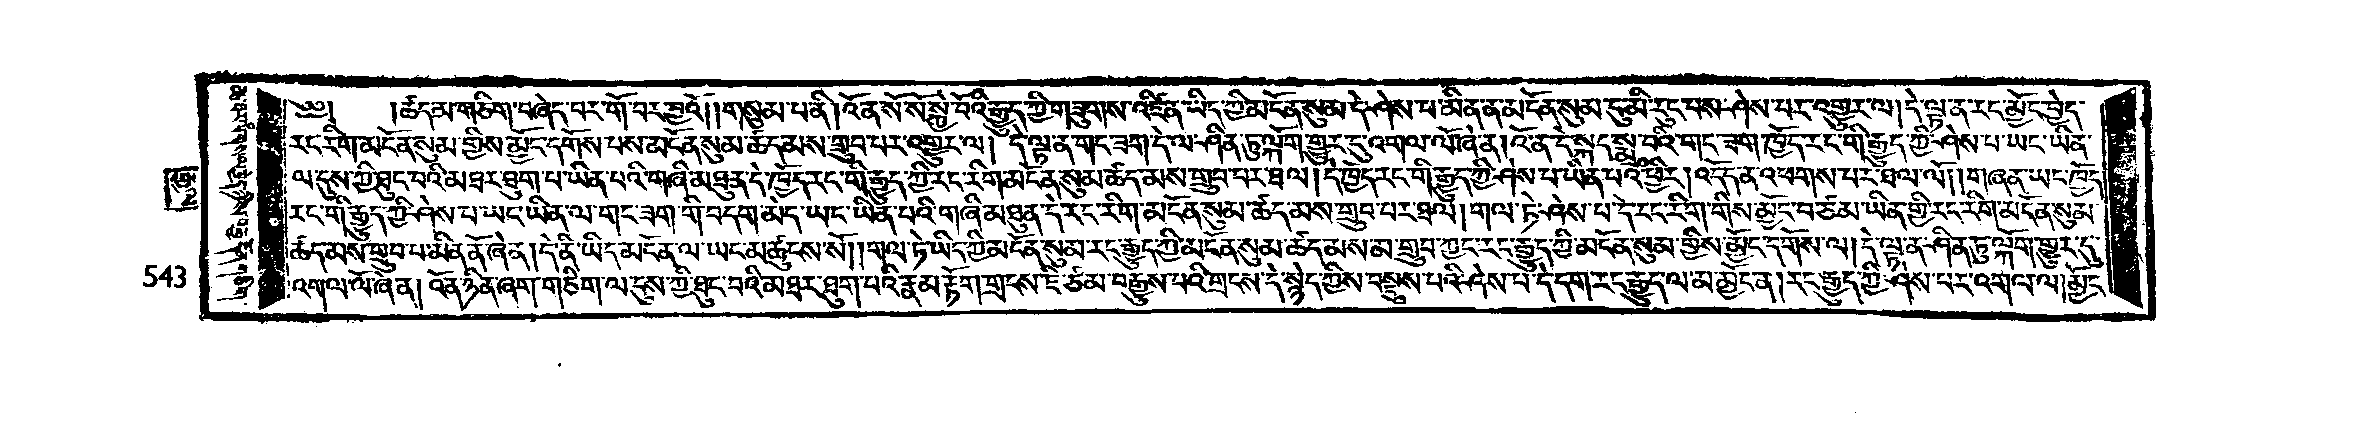༄༅། །ཚད་མ་གཅིག་བཞེད་པར་གོ་བར་བྱའོ། །གསུམ་པ་ནི། འོ་ན་སོ་སོ་སྐྱེ་བོའི་རྒྱུད་ཀྱི་གཟུགས་འཛིན་ཡིད་ཀྱི་མངོན་སུམ་དེ་ཤེས་པ་མིན་ན་མངོན་སུམ་དུ་མི་རུང་པས་ཤེས་པར་འགྱུར་ལ། དེ་ལྟ་ན་རང་མྱོང་བྱེད་
རང་རིག་མངོན་སུམ་གྱིས་མྱོང་དགོས་པས་མངོན་སུམ་ཚད་མས་གྲུབ་པར་འགྱུར་ལ། དེ་ལྟ་ན་གང་ཟག་དེ་ལ་ཤིན་ཏུ་ལྐོག་གྱུར་དུ་འགལ་ལོ་ཞེ་ན། འོ་ན་དེ་སྐད་སྨྲ་བའི་གང་ཟག་ཁྱོད་རང་གི་རྒྱུད་ཀྱི་ཤེས་པ་ཡང་ཡིན་
ལ་དུས་ཀྱི་ཐུང་བའི་མཐར་ཐུག་པ་ཡིན་པའི་གཞི་མཐུན་དེ་ཁྱོད་རང་གི་རྒྱུད་ཀྱི་རང་རིག་མངོན་སུམ་ཚད་མས་གྲུབ་པར་ཐལ། དེ་ཁྱོད་རང་གི་རྒྱུད་ཀྱི་ཤེས་པ་ཡིན་པའི་ཕྱིར། འདོད་ན་འཕགས་པར་ཐལ་ལོ། །གཞན་ཡང་ཁྱོད་
རང་གི་རྒྱུད་ཀྱི་ཤེས་པ་ཡང་ཡིན་ལ་གང་ཟག་གི་བདག་མེད་ཡང་ཡིན་པའི་གཞི་མཐུན་དེ་རང་རིག་མངོན་སུམ་ཚད་མས་གྲུབ་པར་ཐལ། གལ་ཏེ་ཤེས་པ་དེ་རང་རིག་གིས་མྱོང་བ་ཙམ་ཡིན་གྱི་རང་རིག་མངོན་སུམ་
ཚད་མས་གྲུབ་པ་མིན་ནོ་ཞེ་ན། དེ་ནི་ཡིད་མངོན་ལ་ཡང་མཚུངས་སོ། །གལ་ཏེ་ཡིད་ཀྱི་མངོན་སུམ་རང་རྒྱུད་ཀྱི་མངོན་སུམ་ཚད་མས་མ་གྲུབ་ཀྱང་རང་རྒྱུད་ཀྱི་མངོན་སུམ་གྱིས་མྱོང་དགོས་ལ། དེ་ལྟ་ན་ཤིན་ཏུ་ལྐོག་གྱུར་དུ་
འགལ་ལོ་ཞེ་ན། འོ་ན་ཉིན་ཞག་གཅིག་ལ་དུས་ཀྱི་ཐུང་བའི་མཐར་ཐུག་པའི་རྣམ་རྟོག་གྲངས་ཇི་ཙམ་བརྒྱུས་པའི་གྲངས་དེ་སྙེད་ཀྱིས་བསྡུས་པའི་ཤེས་པ་དེ་དག་རང་རྒྱུད་ལ་མ་མྱོང་ན། རང་རྒྱུད་ཀྱི་ཤེས་པར་འགལ་ལ། མྱོང་